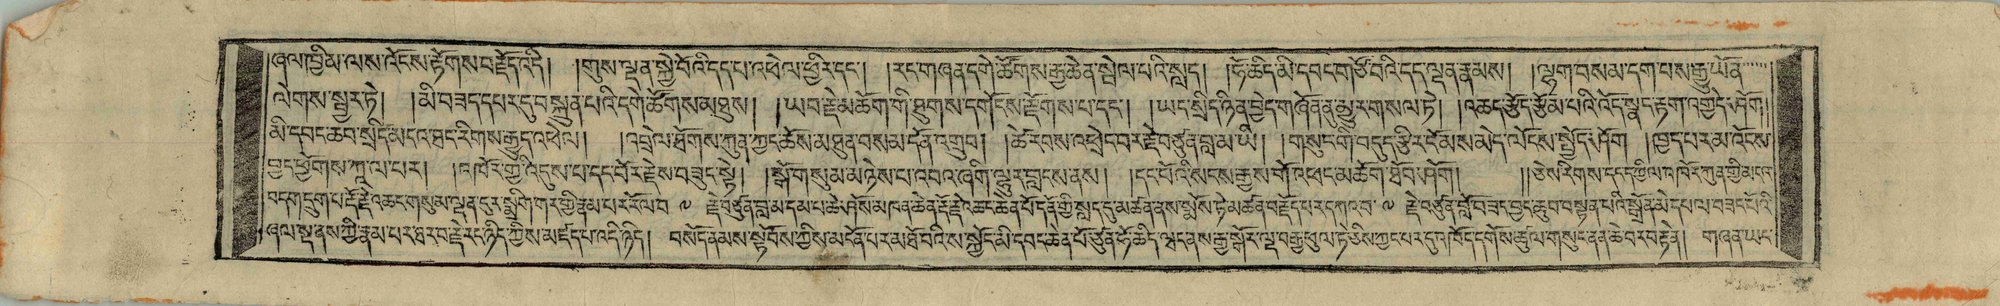ཞལ་ཁྱིམ་ལས་འོངས་རྟོགས་བརྗོད་འདི། །གུས་ལྡན་སྐྱེ་བོའི་དད་པ་འཕེལ་ཕྱིར་དང་། །རང་གཞན་དགེ་ཚོགས་རྒྱ་ཆེན་སྤེལ་པའི་སླད། །ཧོ་ཆིད་མི་དབང་གཙོ་བའི་དད་ལྡན་རྣམས། །ལྷག་བསམ་དག་པས་རྒྱུ་ཡོན་
ལེགས་སྦྱར་ཏེ། །མི་བཟད་དཔར་དུ་བསྐྲུན་པའི་དགེ་ཚོགས་མཐུས། །ཡབ་རྗེ་མཆོག་གི་ཐུགས་དགོངས་རྫོགས་པ་དང་། །ཡང་སྲིད་ཉིན་བྱེད་གཞོན་ནུ་མྱུར་གསལ་ཏེ། །འཆད་རྩོད་རྩོམ་པའི་འོད་སྣང་རྟག་འགྱེད་ཤོག །
མི་དབང་ཆབ་སྲིད་མངའ་ཐང་རིགས་རྒྱུད་འཕེལ། །འབྲེལ་ཐོགས་ཀུན་ཀྱང་ཆོས་མཐུན་བསམ་དོན་འགྲུབ། །ཚེ་རབས་འཕྲེང་བར་རྗེ་བཙུན་བླ་མ་ཡི། །གསུང་གི་བདུད་རྩིར་ངོམས་མེད་ལོངས་སྤྱོད་ཤོག །ཁྱད་པར་མ་འོངས་
བྱང་ཕྱོགས་ཀཱ་ལ་པར། །འཁོར་གྱི་འདུས་པ་དང་པོར་རྗེས་བཟུང་སྟེ། །སྒོ་གསུམ་མཉེས་པ་འབའ་ཞིག་ལྷུར་བླངས་ནས། །དང་པོའི་སངས་རྒྱས་གོ་འཕང་མཆོག་ཐོབ་ཤོག ། །།ཅེས་རིགས་དང་དཀྱིལ་འཁོར་ཀུན་གྱི་མངའ་
བདག་དྲུག་པ་རྡོ་རྗེ་འཆང་གསུམ་ལྡན་ངུར་སྨྲིག་གར་གྱི་རྣམ་པར་རོལ་བ་༧་རྗེ་བཙུན་བླ་མ་དམ་པ་ཆེ་ཤོས་མཁན་ཆེན་རྡོ་རྗེ་འཆང་ཆེན་པོ་དོན་གྱི་སླད་དུ་མཚན་ནས་སྨོས་ཏེ་མཚན་བརྗོད་པར་དཀའ་བ་༧་རྗེ་བཙུན་བློ་བཟང་བྱང་ཆུབ་བསྟན་པའི་སྒྲོན་མེ་དཔལ་བཟང་པོའི་
ཞལ་སྔ་ནས་ཀྱི་རྣམ་པར་ཐར་པ་རྗེ་རང་ཉིད་ཀྱིས་མཛད་པ་འདི་ཉིད། བསོད་ནམས་སྟོབས་ཀྱིས་མངོན་པར་མཐོ་བའི་ས་སྐྱོང་མི་དབང་ཆེན་པོ་ཙུན་ཧོ་ཆིད་ཝང་ནས་རྒྱ་སྒོར་ལྔ་བརྒྱ་ཕུལ་ཏེ་ཅིས་ཀྱང་པར་དུ་འཁོད་དགོས་ཚུལ་གསུང་ནན་ཆེ་བར་བརྟེན། གཞན་ཡང་